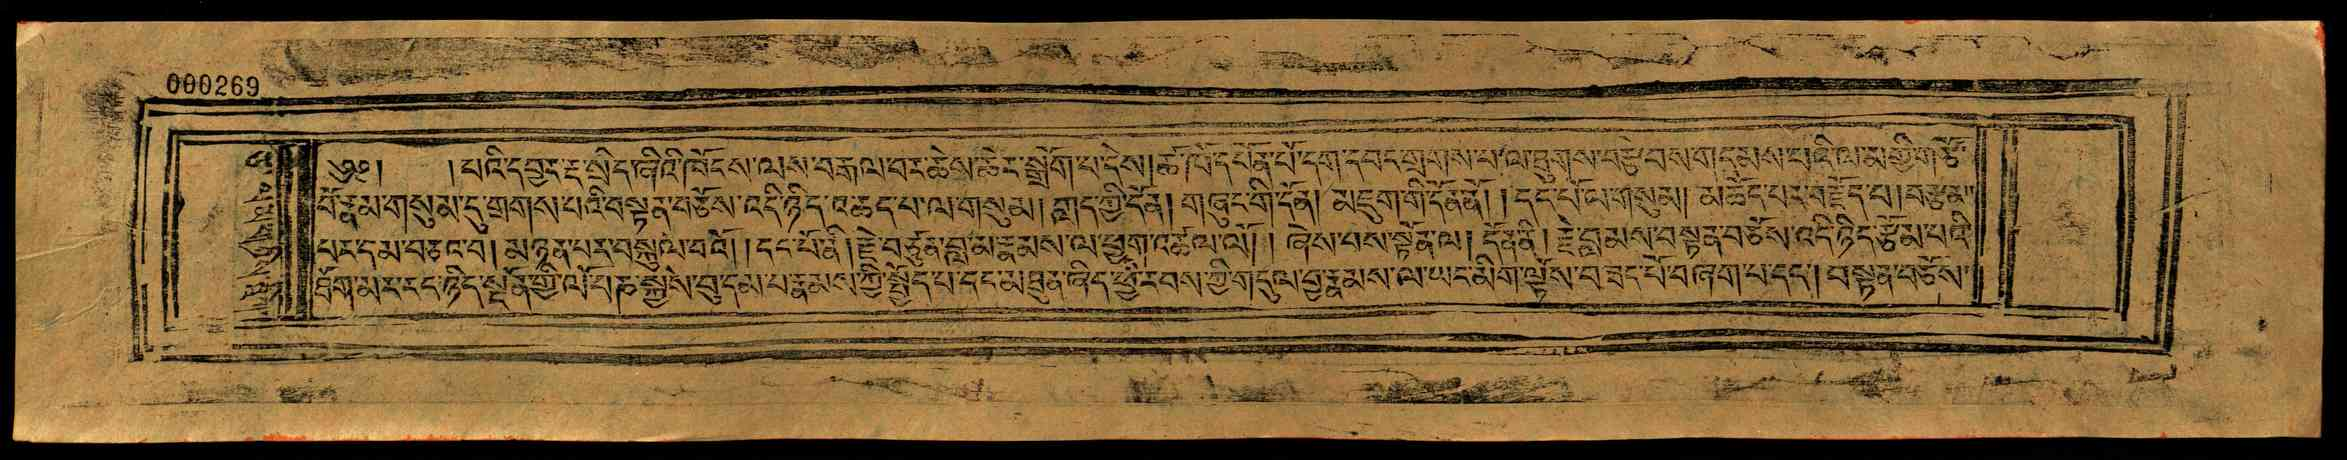༄༅། །པའི་དབྱར་རྡ་སྲིད་ཞིའི་ཁོངས་ལས་བརྒལ་བར་ཆེས་ཆེར་སྒྲོག་པ་དེས། ཚ་ཁོ་དབོན་པོ་ངག་དབང་གྲགས་པ་ལ་ཐུགས་བརྩེ་བས་གདམས་པའི་ལམ་གྱི་གཙོ་
བོ་རྣམ་གསུམ་དུ་གྲགས་པའི་བསྟན་བཅོས་འདི་ཉིད་འཆད་པ་ལ་གསུམ། ཀླད་ཀྱི་དོན། གཞུང་གི་དོན། མཇུག་གི་དོན་ནོ། །དང་པོ་ལ་གསུམ། མཆོད་པར་བརྗོད་པ། བརྩམ་
པར་དམ་བཅའ་བ། མཉན་པར་བསྐུལ་བའོ། །དང་པོ་ནི། རྗེ་བཙུན་བླ་མ་རྣམས་ལ་ཕྱག་འཚལ་ལོ། །ཞེས་པས་སྟོན་ལ། དོན་ནི། རྗེ་བླ་མས་བསྟན་བཅོས་འདི་ཉིད་རྩོམ་པའི་
ཐོག་མར་རང་ཉིད་སྔོན་གྱི་ལོ་པཎ་སྐྱེས་བུ་དམ་པ་རྣམས་ཀྱི་སྤྱོད་པ་དང་མཐུན་ཞིང་ཕྱི་རབས་ཀྱི་གདུལ་བྱ་རྣམས་ལ་ཡང་མིག་ལྟོས་བཟང་པོ་བཞག་པ་དང་། བསྟན་བཅོས་